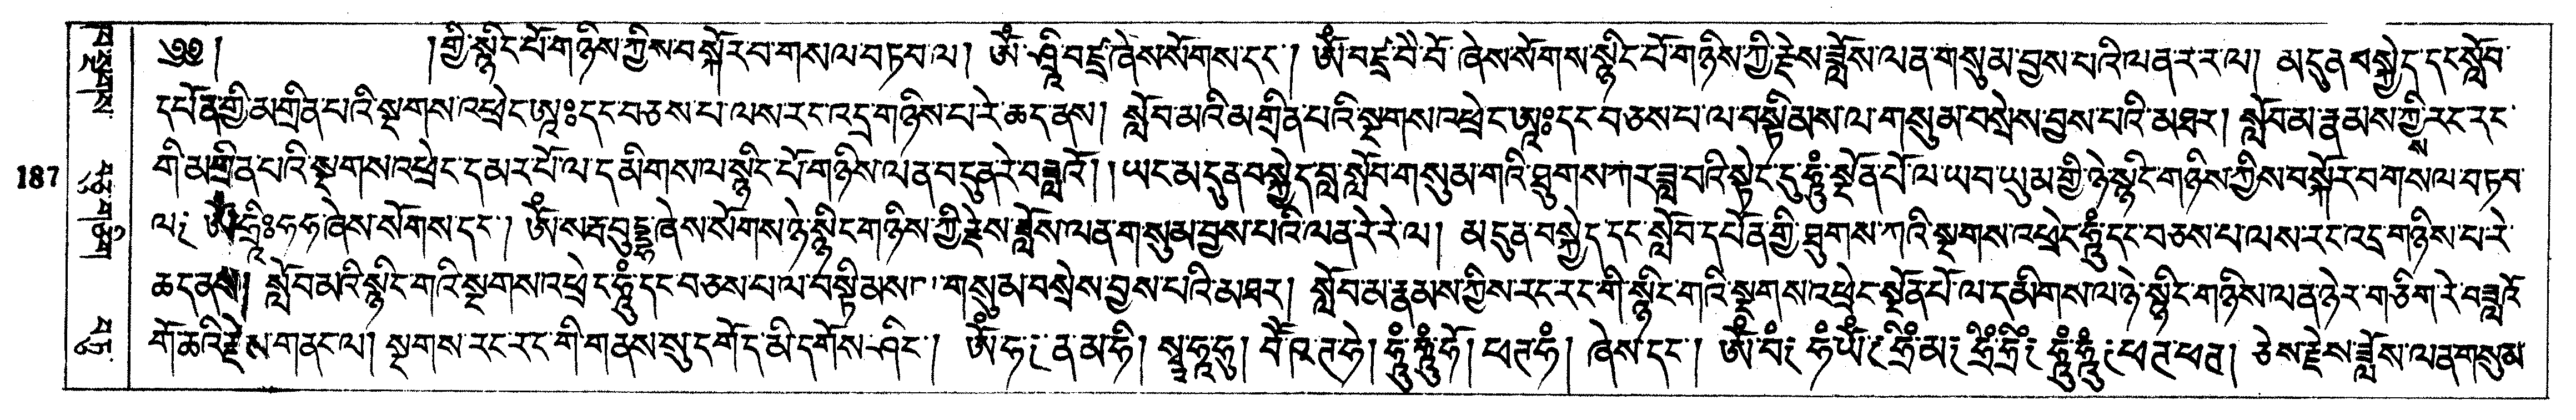༄༅། །གྱི་སྙིང་པོ་གཉིས་ཀྱིས་བསྐོར་བ་གསལ་བཏབ་ལ། ཨོཾ་ཤྲཱི་བཛྲ་ཞེས་སོགས་དང་། ཨོཾ་བཛྲ་བཻ་བོ་ཞེས་སོགས་སྙིང་པོ་གཉིས་ཀྱི་རྗེས་ཟློས་ལན་གསུམ་བྱས་པའི་ལན་ར་ར་ལ། མདུན་བསྐྱེད་དང་སློབ་
དཔོན་གྱི་མགྲིན་པའི་སྔགས་འཕྲེང་ཨཱཿ དང་བཅས་པ་ལས་རང་འདྲ་གཉིས་པ་རེ་ཆད་ནས། སློབ་མའི་མགྲིན་པའི་སྔགས་འཕྲེང་ཨཱཿ དང་བཅས་པ་ལ་བསྟིམས་ལ་གསུམ་བསྲེས་བྱས་པའི་མཐར། སློབ་མ་རྣམས་ཀྱིས་རང་རང་
གི་མགྲིན་པའི་སྔགས་འཕྲེང་དམར་པོ་ལ་དམིགས་ལ་སྙིང་པོ་གཉིས་ལན་བདུན་རེ་བཟླའོ། །ཡང་མདུན་བསྐྱེད་བླ་སློབ་གསུམ་གའི་ཐུགས་ཀར་ཟླ་བའི་སྟེང་དུ་ཧཱུཾ་སྔོན་པོ་ལ་ཡབ་ཡུམ་གྱི་ཉེ་སྙིང་གཉིས་ཀྱིས་བསྐོར་བ་གསལ་བཏབ་
ལ༑ ཨོཾ་ཧྲཱིཿ ཧ་ཧ་ཞེས་སོགས་དང་། ཨོཾ་སརྦ་བུ་དྡྷ་ཞེས་སོགས་ཉེ་སྙིང་གཉིས་ཀྱི་རྗེས་ཟློས་ལན་གསུམ་བྱས་པའི་ལན་རེ་རེ་ལ། མདུན་བསྐྱེད་དང་སློབ་དཔོན་གྱི་ཐུགས་ཀའི་སྔགས་འཕྲེང་ཧཱུཾ་དང་བཅས་པ་ལས་རང་འདྲ་གཉིས་པ་རེ་
ཆད་ནས། སློབ་མའི་སྙིང་གའི་སྔགས་འཕྲེང་ཧཱུཾ་དང་བཅས་པ་ལ་བསྟིམས་ལ་གསུམ་བསྲེས་བྱས་པའི་མཐར། སློབ་མ་རྣམས་ཀྱིས་རང་རང་གི་སྙིང་གའི་སྔགས་འཕྲེང་སྔོན་པོ་ལ་དམིགས་ལ་ཉེ་སྙིང་གཉིས་ལན་ཉེར་གཅིག་རེ་བཟླའོ་
གོ་ཆའི་རྗེས་གནང་ལ། སྔགས་རང་རང་གི་གནས་སུ་དགོད་མི་དགོས་ཤིང་། ཨོཾ་ཧ༑ ན་མ་ཧི། སྭཱ་ཧཱ་ཧུ། བཽ་ཥ་ཊ་ཧེ། ཧཱུཾ་ཧཱུཾ་ཧོ། ཕཊ་ཧཾ། ཞེས་དང་། ཨོཾ་བཾ༑ ཧཾ་ཡོཾ༑ ཧྲིཾ་མ༑ ཧྲིཾ་ཧྲིཾ༑ ཧཱུཾ་ཧཱུཾ༑ ཕཊ་ཕཊ། ཅེས་རྗེས་ཟློས་ལན་གསུམ་